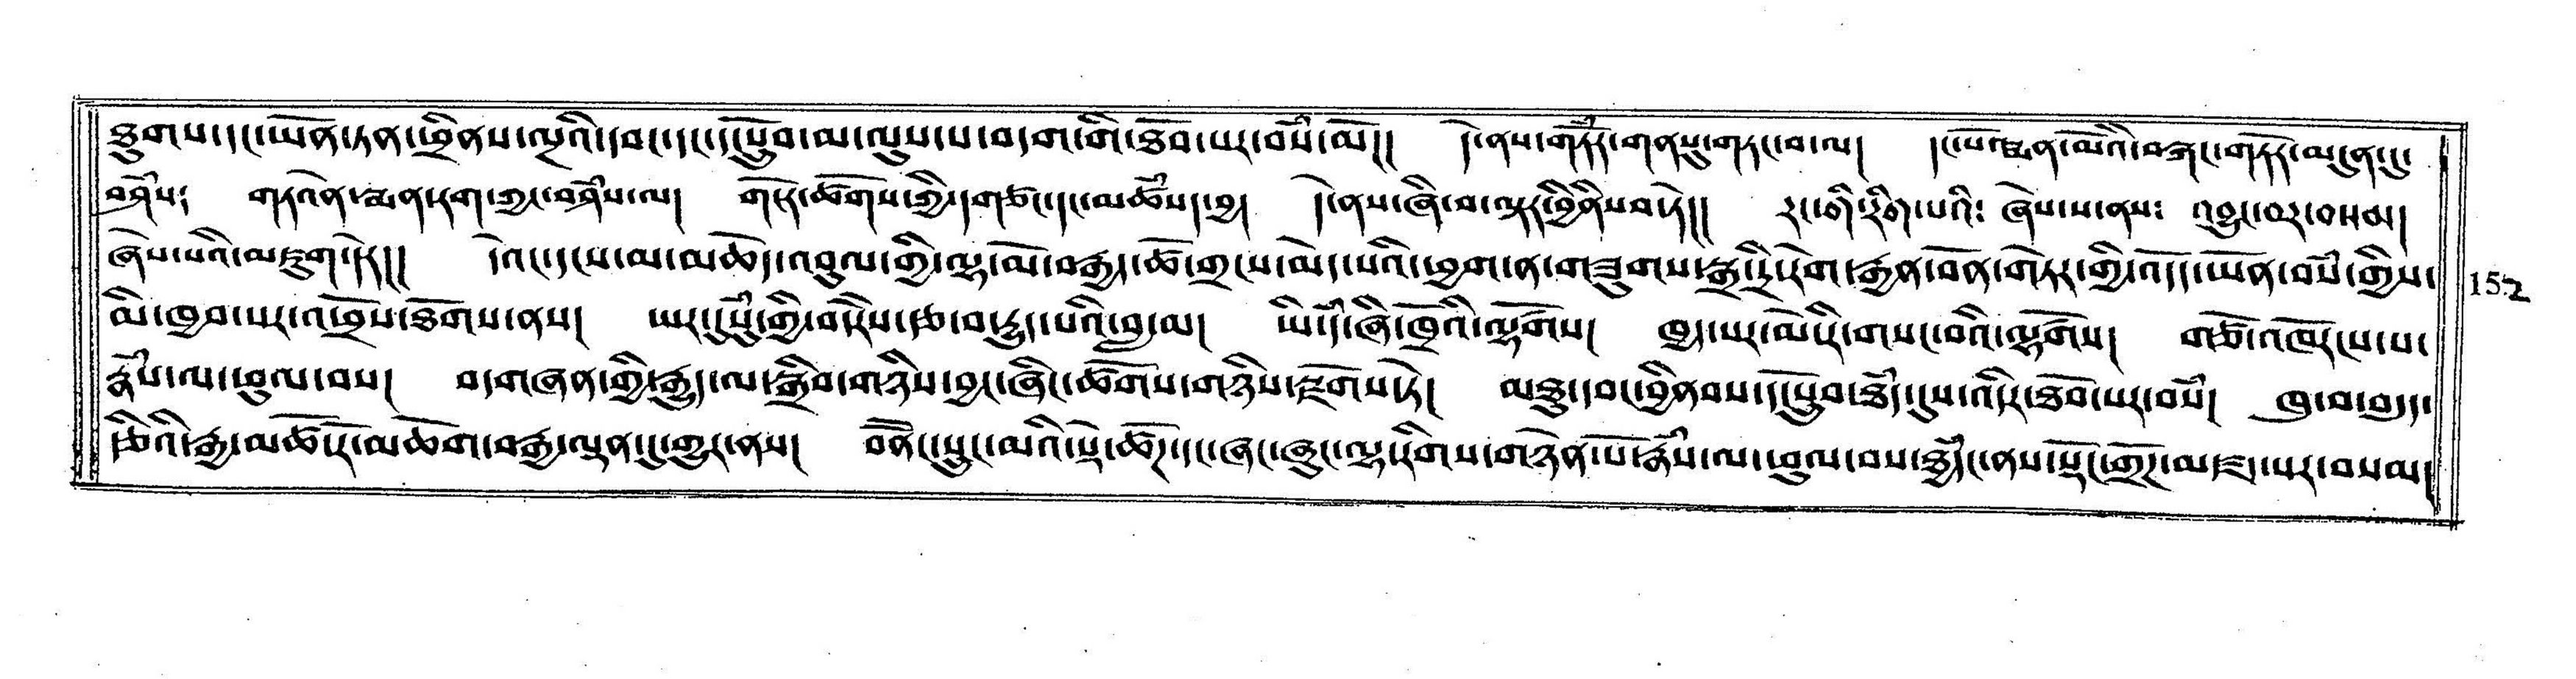ཐུགས་དང་ཡོན་ཏན་ཕྲིན་ལས་ལྔའི་དབང་དང་དངོས་གྲུབ་མ་ལུས་པ་བདག་གི་ཐོབ་པར་བསམ་མོ།། དེ་ནས་གཏོར་མ་གནས་སུ་གཏང་བ་ལ། དང་པོ་སྨན་མོའི་བསྐང་གཏོར་མདུན་དུ་
བཤམས། གཏའ་ཆེན་སྨན་རག་ཀྱང་བཤམས་ལ། གོང་ལྟར་ཚོགས་ཀྱི་དག་གཙང་དང་མཚམས་བཅད་བྱ། དེ་ནས་ཞི་བ་ལྟར་བྱིན་གྱིས་བརླབས་ཏེ།། རང་གི་རིག་པའི༴ ཞེས་པ་ནས༴ འབྱུང་བར་བསམ། 
ཞེས་པའི་མཇུག་དེར།། དེའང་དངས་མ་མཆོད་འབུལ་གྱི་ལྷ་མོ་བརྒྱད་ཚོ་གྲངས་མེད་པའི་ཕྱག་ན་གཟུགས་སྒྲ་དྲི་རོ་རེག་རྒྱན་བོན་གཏེར་གྱི་འདོད་ཡོན་བསམ་གྱིས་
མི་ཁྱབ་པར་འཕྲོས་ཐོགས་ནས། ཡར་དུས་གསུམ་གྱི་བདེར་གཤེགས་རྩ་བ་རྒྱུད་པའི་བླ་མ། ཡི་དམ་ཞི་ཁྲོའི་ལྷ་ཚོགས། ཁྱད་པར་མེ་རི་གསང་བའི་ལྷ་ཚོགས། གཙོ་འཁོར་དང་བཅས་པ་
རྣམས་ལ་ཕུལ་བས། བདག་གཞན་གྱི་རྒྱུད་ལ་སྒྲིབ་གཉིས་བྱང་ཞིང་ཚོགས་གཉིས་རྫོགས་ཏེ། མཐུ་དབང་བྱིན་རླབས་དངོས་གྲུབ་ཐམས་ཅད་དུས་འདིར་ཐོབ་པར་བསམ། ཁུ་བ་བདུད་
རྩིའི་རྒྱ་མཚོ་རོ་མཆོག་བརྒྱ་ལྡན་དུ་གྱུར་ནས། བོན་སྐྱོང་སྲུང་མའི་སྡེ་ཚོགས་དང་ཞང་ཞུང་ལྷ་རིགས་གཉེན་པོ་རྣམས་ལ་ཕུལ་བས་ཐུགས་དམ་བསྐང་ནས་སྡོང་གྲོགས་མཛད་པར་བསམ།